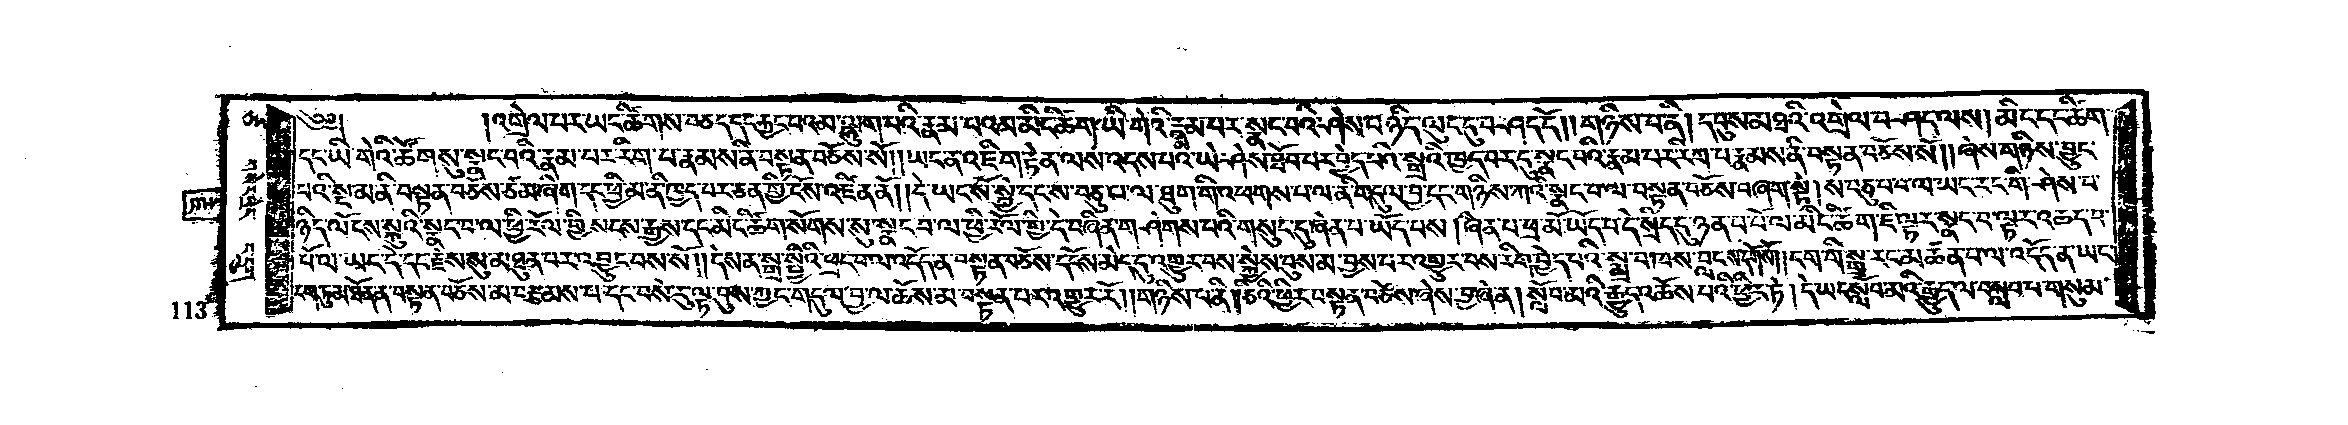༄༅། །འགྲེལ་པར་ཡང་ཚིགས་བཅད་དང་རྐྱང་པའམ་ལྷུག་པའི་རྣམ་པའམ་མིང་ཚིག་ཡི་གེའི་རྣམ་པར་སྣང་བའི་ཤེས་པ་ཉིད་ལུང་དུ་བཤད་དོ། །གཉིས་པ་ནི། དབུས་མཐའི་འགྲེལ་བཤད་ལས། མིང་དང་ཚིག་
དང་ཡི་གེའི་ཚོགས་སུ་སྣང་བའི་རྣམ་པར་རིག་པ་རྣམས་ནི་བསྟན་བཅོས་སོ། །ཡང་ན་འཇིག་རྟེན་ལས་འདས་པའི་ཡེ་ཤེས་ཐོབ་པར་བྱེད་པའི་སྒྲའི་ཁྱད་པར་དུ་སྣང་བའི་རྣམ་པར་རིག་པ་རྣམས་ནི་བསྟན་བཅོས་སོ། །ཞེས་གཉིས་བྱུང་
པའི་སྔ་མ་ནི་བསྟན་བཅོས་ཙམ་ཞིག་དང་ཕྱི་མ་ནི་ཁྱད་པར་ཅན་གྱི་ངོས་འཛིན་ནོ། །དེ་ཡང་སོ་སྐྱེ་དང་ས་བཅུ་པ་ལ་ཐུག་གི་འཕགས་པ་ལ་ནི་གདུལ་བྱ་དང་གཉིས་ཀའི་སྣང་བ་ལ་བསྟན་བཅོས་བཞག་སྟེ། ས་བཅུ་པ་ལ་ཡང་རང་གི་ཤེས་པ་
ཉིད་ལོངས་སྐུའི་སྣང་བ་ལ་ཕྱི་རོལ་གྱི་སངས་རྒྱས་དང་མིང་ཚིག་སོགས་སུ་སྣང་བ་ལ་ཕྱི་རོལ་གྱི་དེ་བཞིན་གཤེགས་པའི་གསུང་དུ་ཞེན་པ་ཡོད་པས། ཞེན་པ་ཕྲ་མོ་ཡོད་པ་དེ་སྲིད་དུ་ཉན་པ་པོ་ལ་མིང་ཚིག་ཇི་ལྟར་སྣང་བ་ལྟར་འཆད་པ་
པོ་ལ་ཡང་དེ་དང་རྗེས་སུ་མཐུན་པར་འབྱུང་བས་སོ། །དེས་ན་སྒྲ་སྤྱིའི་ཕྲེང་བ་ལ་འདོད་ན་བསྟན་བཅོས་དངོས་མེད་དུ་འགྱུར་བས་སྐྱེས་བུས་མ་བྱས་པར་འགྱུར་བས་རིག་བྱེད་པའི་སྨྲ་བ་ཁས་བླངས་དགོས་སོ། །ངག་གི་སྒྲ་རང་མཚན་པ་ལ་འདོད་ན་ཡང་
ངག་ཏུ་མ་ཐོན་ན་བསྟན་བཅོས་མ་བརྩམས་པ་དང་བསེ་རུ་ལྟ་བུས་ཀྱང་གདུལ་བྱ་ལ་ཆོས་མ་བསྟན་པར་འགྱུར་རོ། །གཉིས་པ་ནི། ཅིའི་ཕྱིར་བསྟན་བཅོས་ཞེས་བྱ་ཞེ་ན། སློབ་མའི་རྒྱུད་འཆོས་པའི་ཕྱིར་ཏེ། དེ་ཡང་སློབ་མའི་རྒྱུད་ལ་བསླབ་པ་གསུམ་